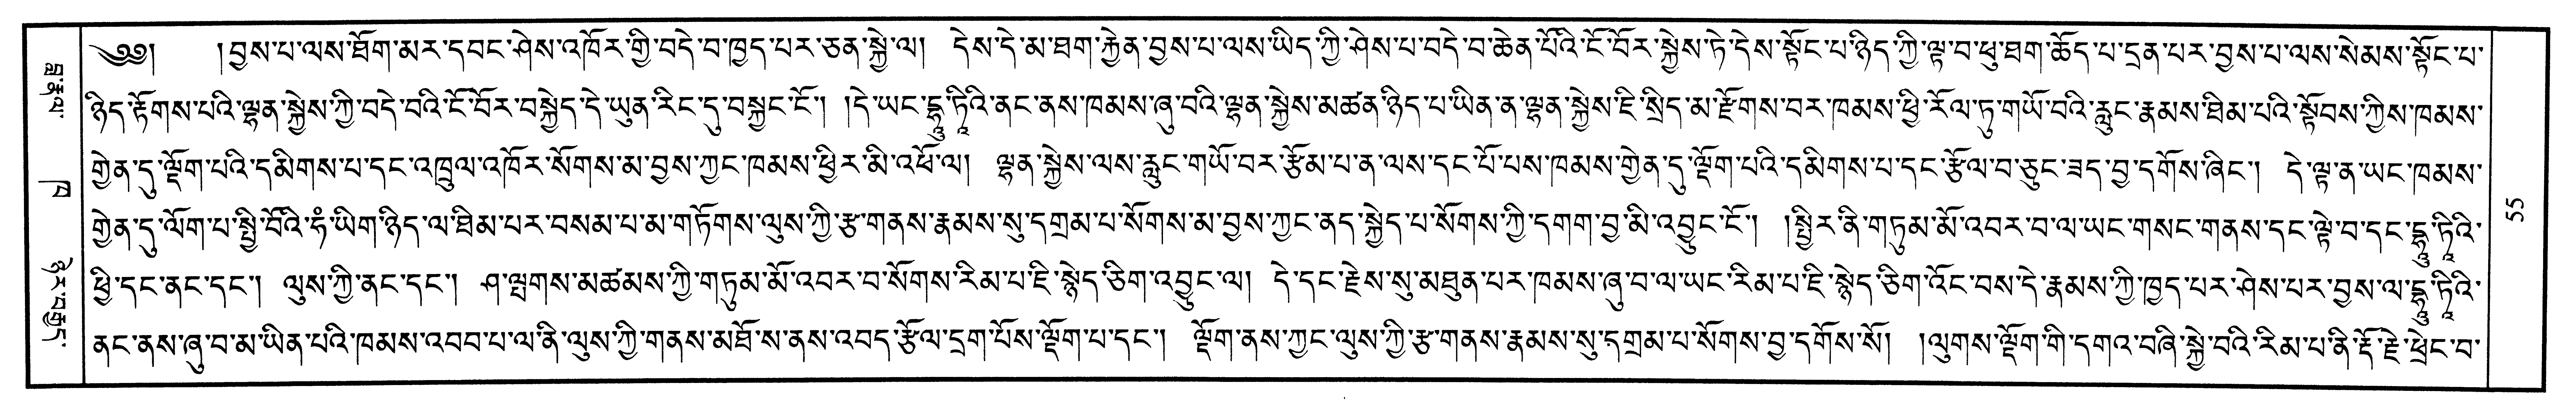༄༅། །བྱས་པ་ལས་ཐོག་མར་དབང་ཤེས་འཁོར་གྱི་བདེ་བ་ཁྱད་པར་ཅན་སྐྱེ་ལ། དེས་དེ་མ་ཐག་རྐྱེན་བྱས་པ་ལས་ཡིད་ཀྱི་ཤེས་པ་བདེ་བ་ཆེན་པོའི་ངོ་བོར་སྐྱེས་ཏེ་དེས་སྟོང་པ་ཉིད་ཀྱི་ལྟ་བ་ཕུ་ཐག་ཆོད་པ་དྲན་པར་བྱས་པ་ལས་སེམས་སྟོང་པ་
ཉིད་རྟོགས་པའི་ལྷན་སྐྱེས་ཀྱི་བདེ་བའི་ངོ་བོར་བསྐྱེད་དེ་ཡུན་རིང་དུ་བསྐྱང་ངོ། །དེ་ཡང་དྷཱུ་ཏཱིའི་ནང་ནས་ཁམས་ཞུ་བའི་ལྷན་སྐྱེས་མཚན་ཉིད་པ་ཡིན་ན་ལྷན་སྐྱེས་ཇི་སྲིད་མ་རྫོགས་བར་ཁམས་ཕྱི་རོལ་ཏུ་གཡོ་བའི་རླུང་རྣམས་ཐིམ་པའི་སྟོབས་ཀྱིས་ཁམས་
གྱེན་དུ་ལྡོག་པའི་དམིགས་པ་དང་འཁྲུལ་འཁོར་སོགས་མ་བྱས་ཀྱང་ཁམས་ཕྱིར་མི་འཕོ་ལ། ལྷན་སྐྱེས་ལས་རླུང་གཡོ་བར་རྩོམ་པ་ན་ལས་དང་པོ་པས་ཁམས་གྱེན་དུ་ལྡོག་པའི་དམིགས་པ་དང་རྩོལ་བ་ཅུང་ཟད་བྱ་དགོས་ཞིང་། དེ་ལྟ་ན་ཡང་ཁམས་
གྱེན་དུ་ལོག་པ་སྤྱི་བོའི་ཧཾ་ཡིག་ཉིད་ལ་ཐིམ་པར་བསམ་པ་མ་གཏོགས་ལུས་ཀྱི་རྩ་གནས་རྣམས་སུ་དགྲམ་པ་སོགས་མ་བྱས་ཀྱང་ནད་སྐྱེད་པ་སོགས་ཀྱི་དགག་བྱ་མི་འབྱུང་ངོ། །སྤྱིར་ནི་གཏུམ་མོ་འབར་བ་ལ་ཡང་གསང་གནས་དང་ལྟེ་བ་དང་དྷཱུ་ཏཱིའི་
ཕྱི་དང་ནང་དང་། ལུས་ཀྱི་ནང་དང་། ཤ་ལྤགས་མཚམས་ཀྱི་གཏུམ་མོ་འབར་བ་སོགས་རིམ་པ་ཇི་སྙེད་ཅིག་འབྱུང་ལ། དེ་དང་རྗེས་སུ་མཐུན་པར་ཁམས་ཞུ་བ་ལ་ཡང་རིམ་པ་ཇི་སྙེད་ཅིག་འོང་བས་དེ་རྣམས་ཀྱི་ཁྱད་པར་ཤེས་པར་བྱས་ལ་དྷཱུ་ཏཱིའི་
ནང་ནས་ཞུ་བ་མ་ཡིན་པའི་ཁམས་འབབ་པ་ལ་ནི་ལུས་ཀྱི་གནས་མཐོ་ས་ནས་འབད་རྩོལ་དྲག་པོས་ལྡོག་པ་དང་། ལྡོག་ནས་ཀྱང་ལུས་ཀྱི་རྩ་གནས་རྣམས་སུ་དགྲམ་པ་སོགས་བྱ་དགོས་སོ། །ལུགས་ལྡོག་གི་དགའ་བཞི་སྐྱེ་བའི་རིམ་པ་ནི་རྡོ་རྗེ་ཕྲེང་བ་